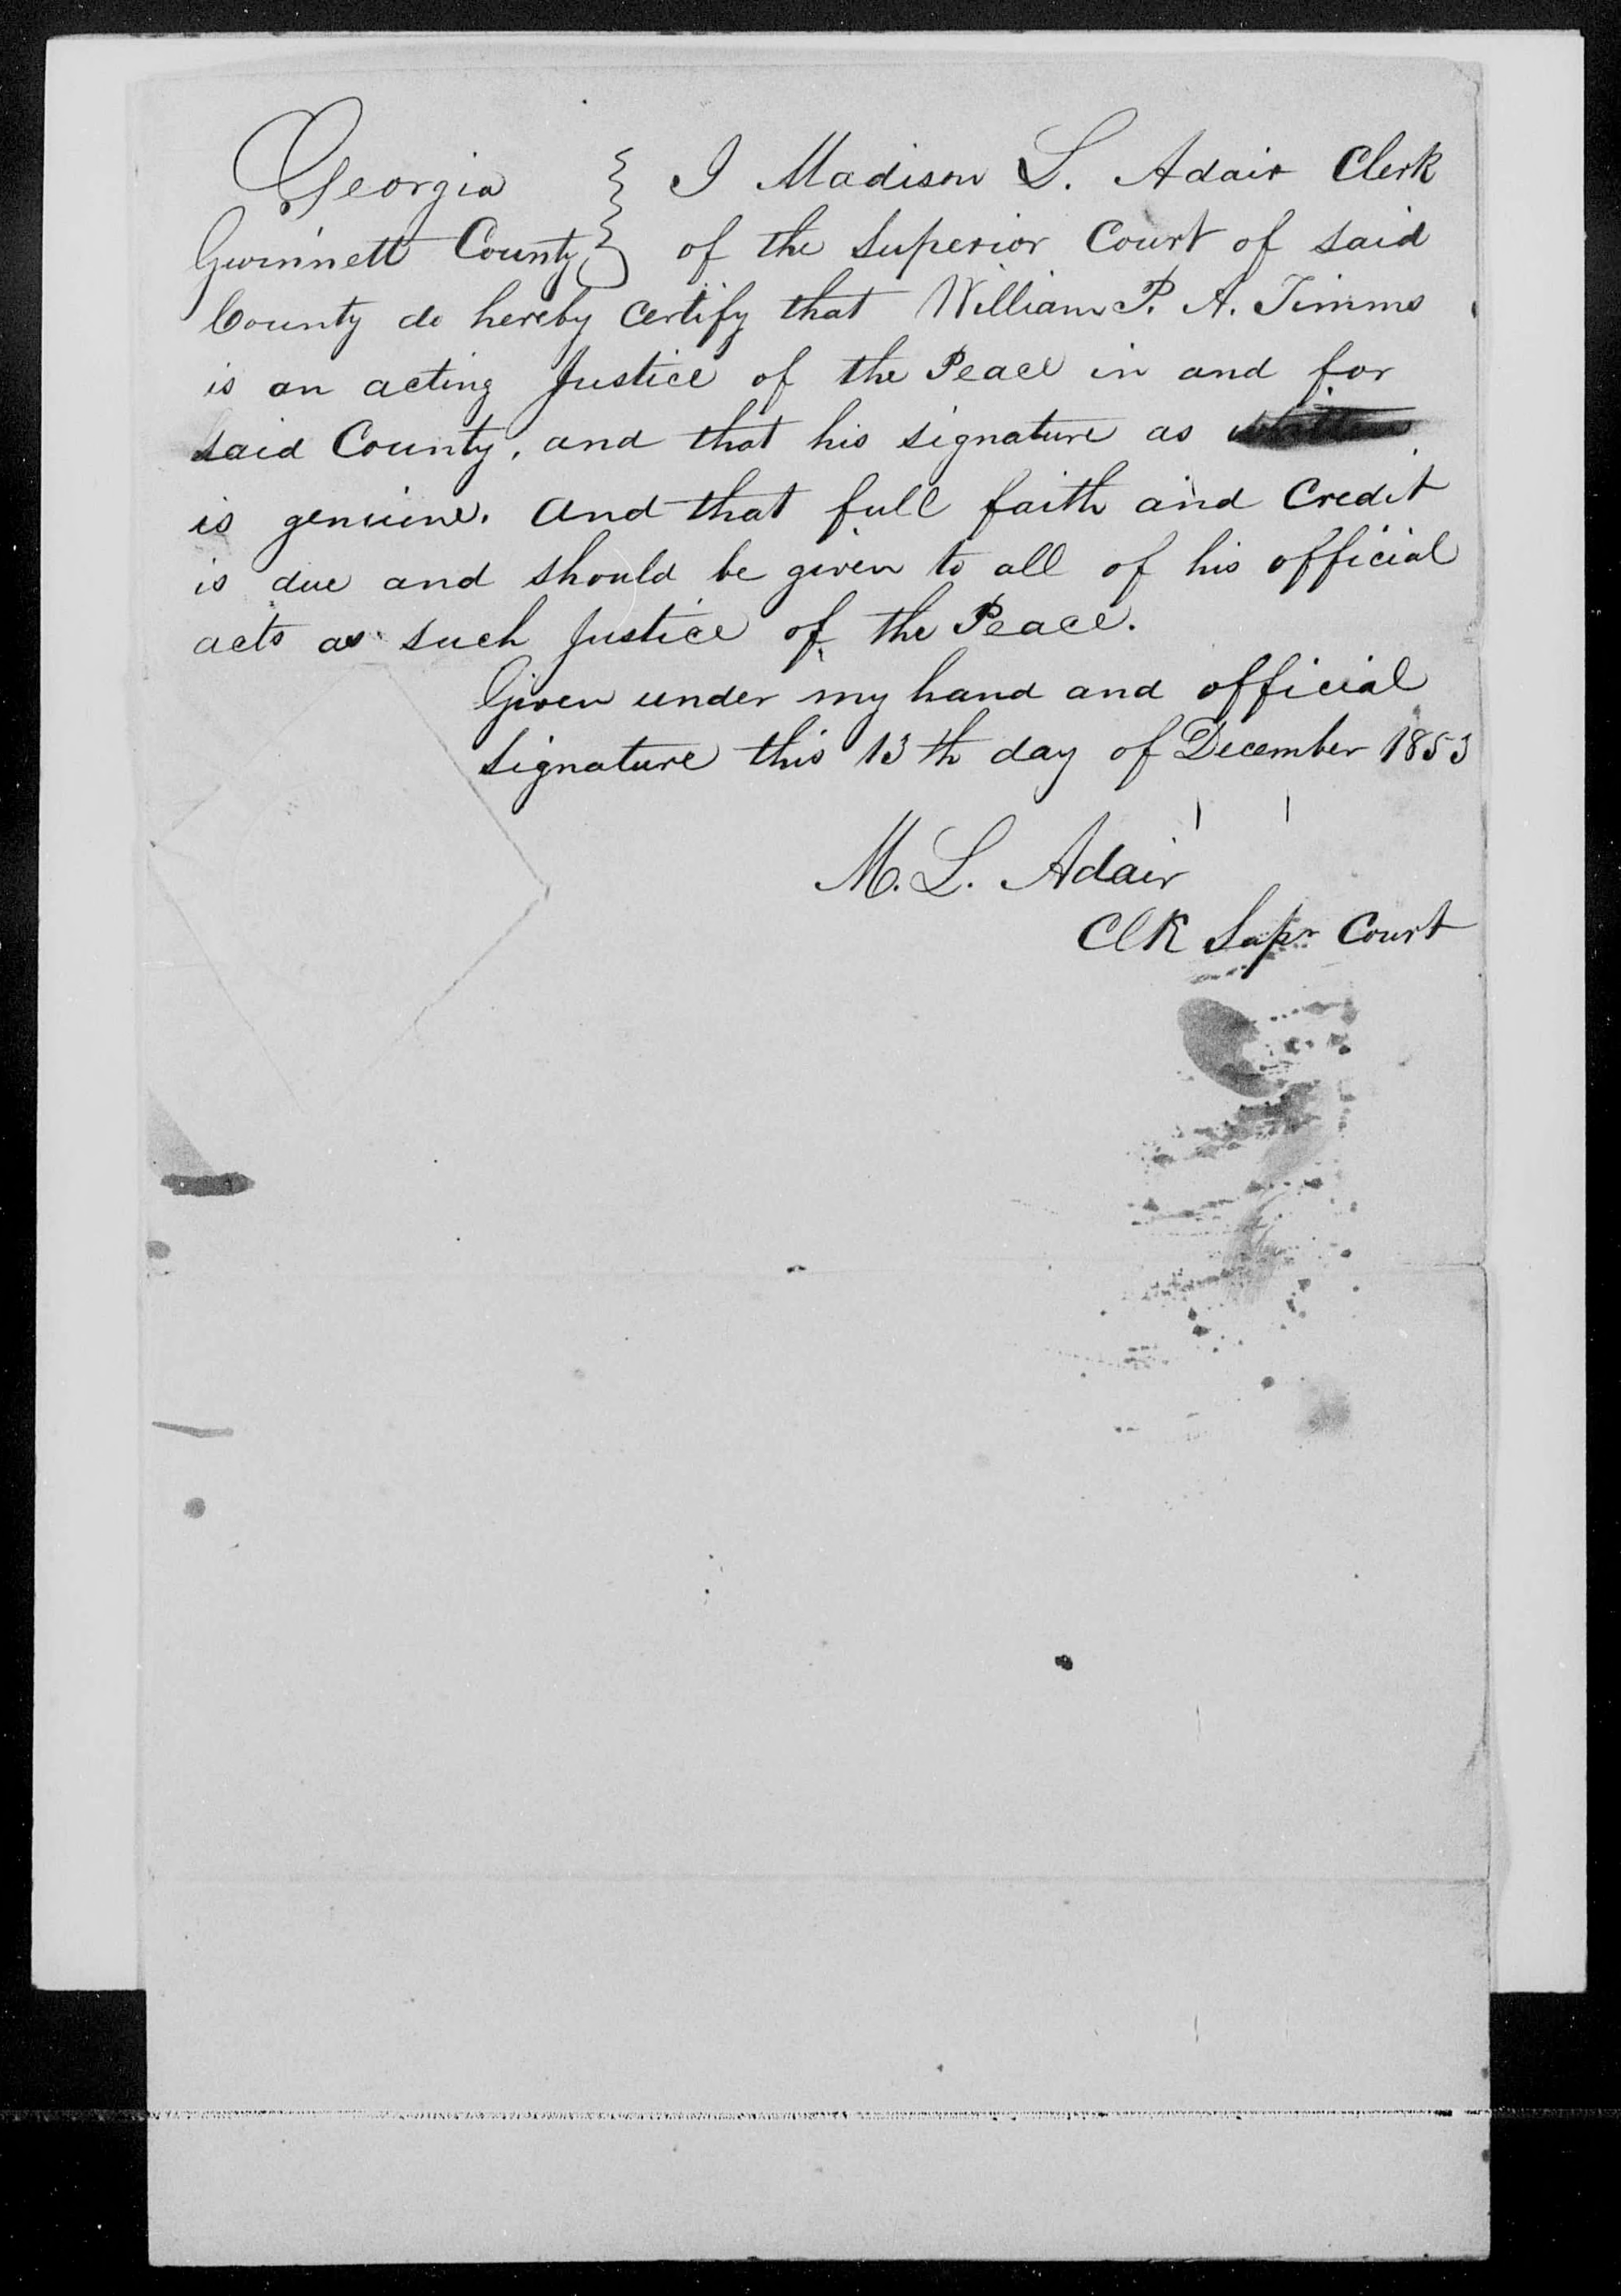Georgia Gwinnett County
I Madison L Adair Clerk of the Superior Court of said county do hereby certify that William P. A. Timms is an acting justice of the peace in and for said county, and that his signature as [illegible] is genuine, and that full faith and credit is due and should be given to all of his official acts as such Justice of the Peace. Given under my hand and official signature this 13th day of December 1855.
M. L. Adair
Clk Sup Court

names: William P A Timms, Madison L Adair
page: 74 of 75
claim: widow's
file: W. 25805, Andrew Hughes, N.C.